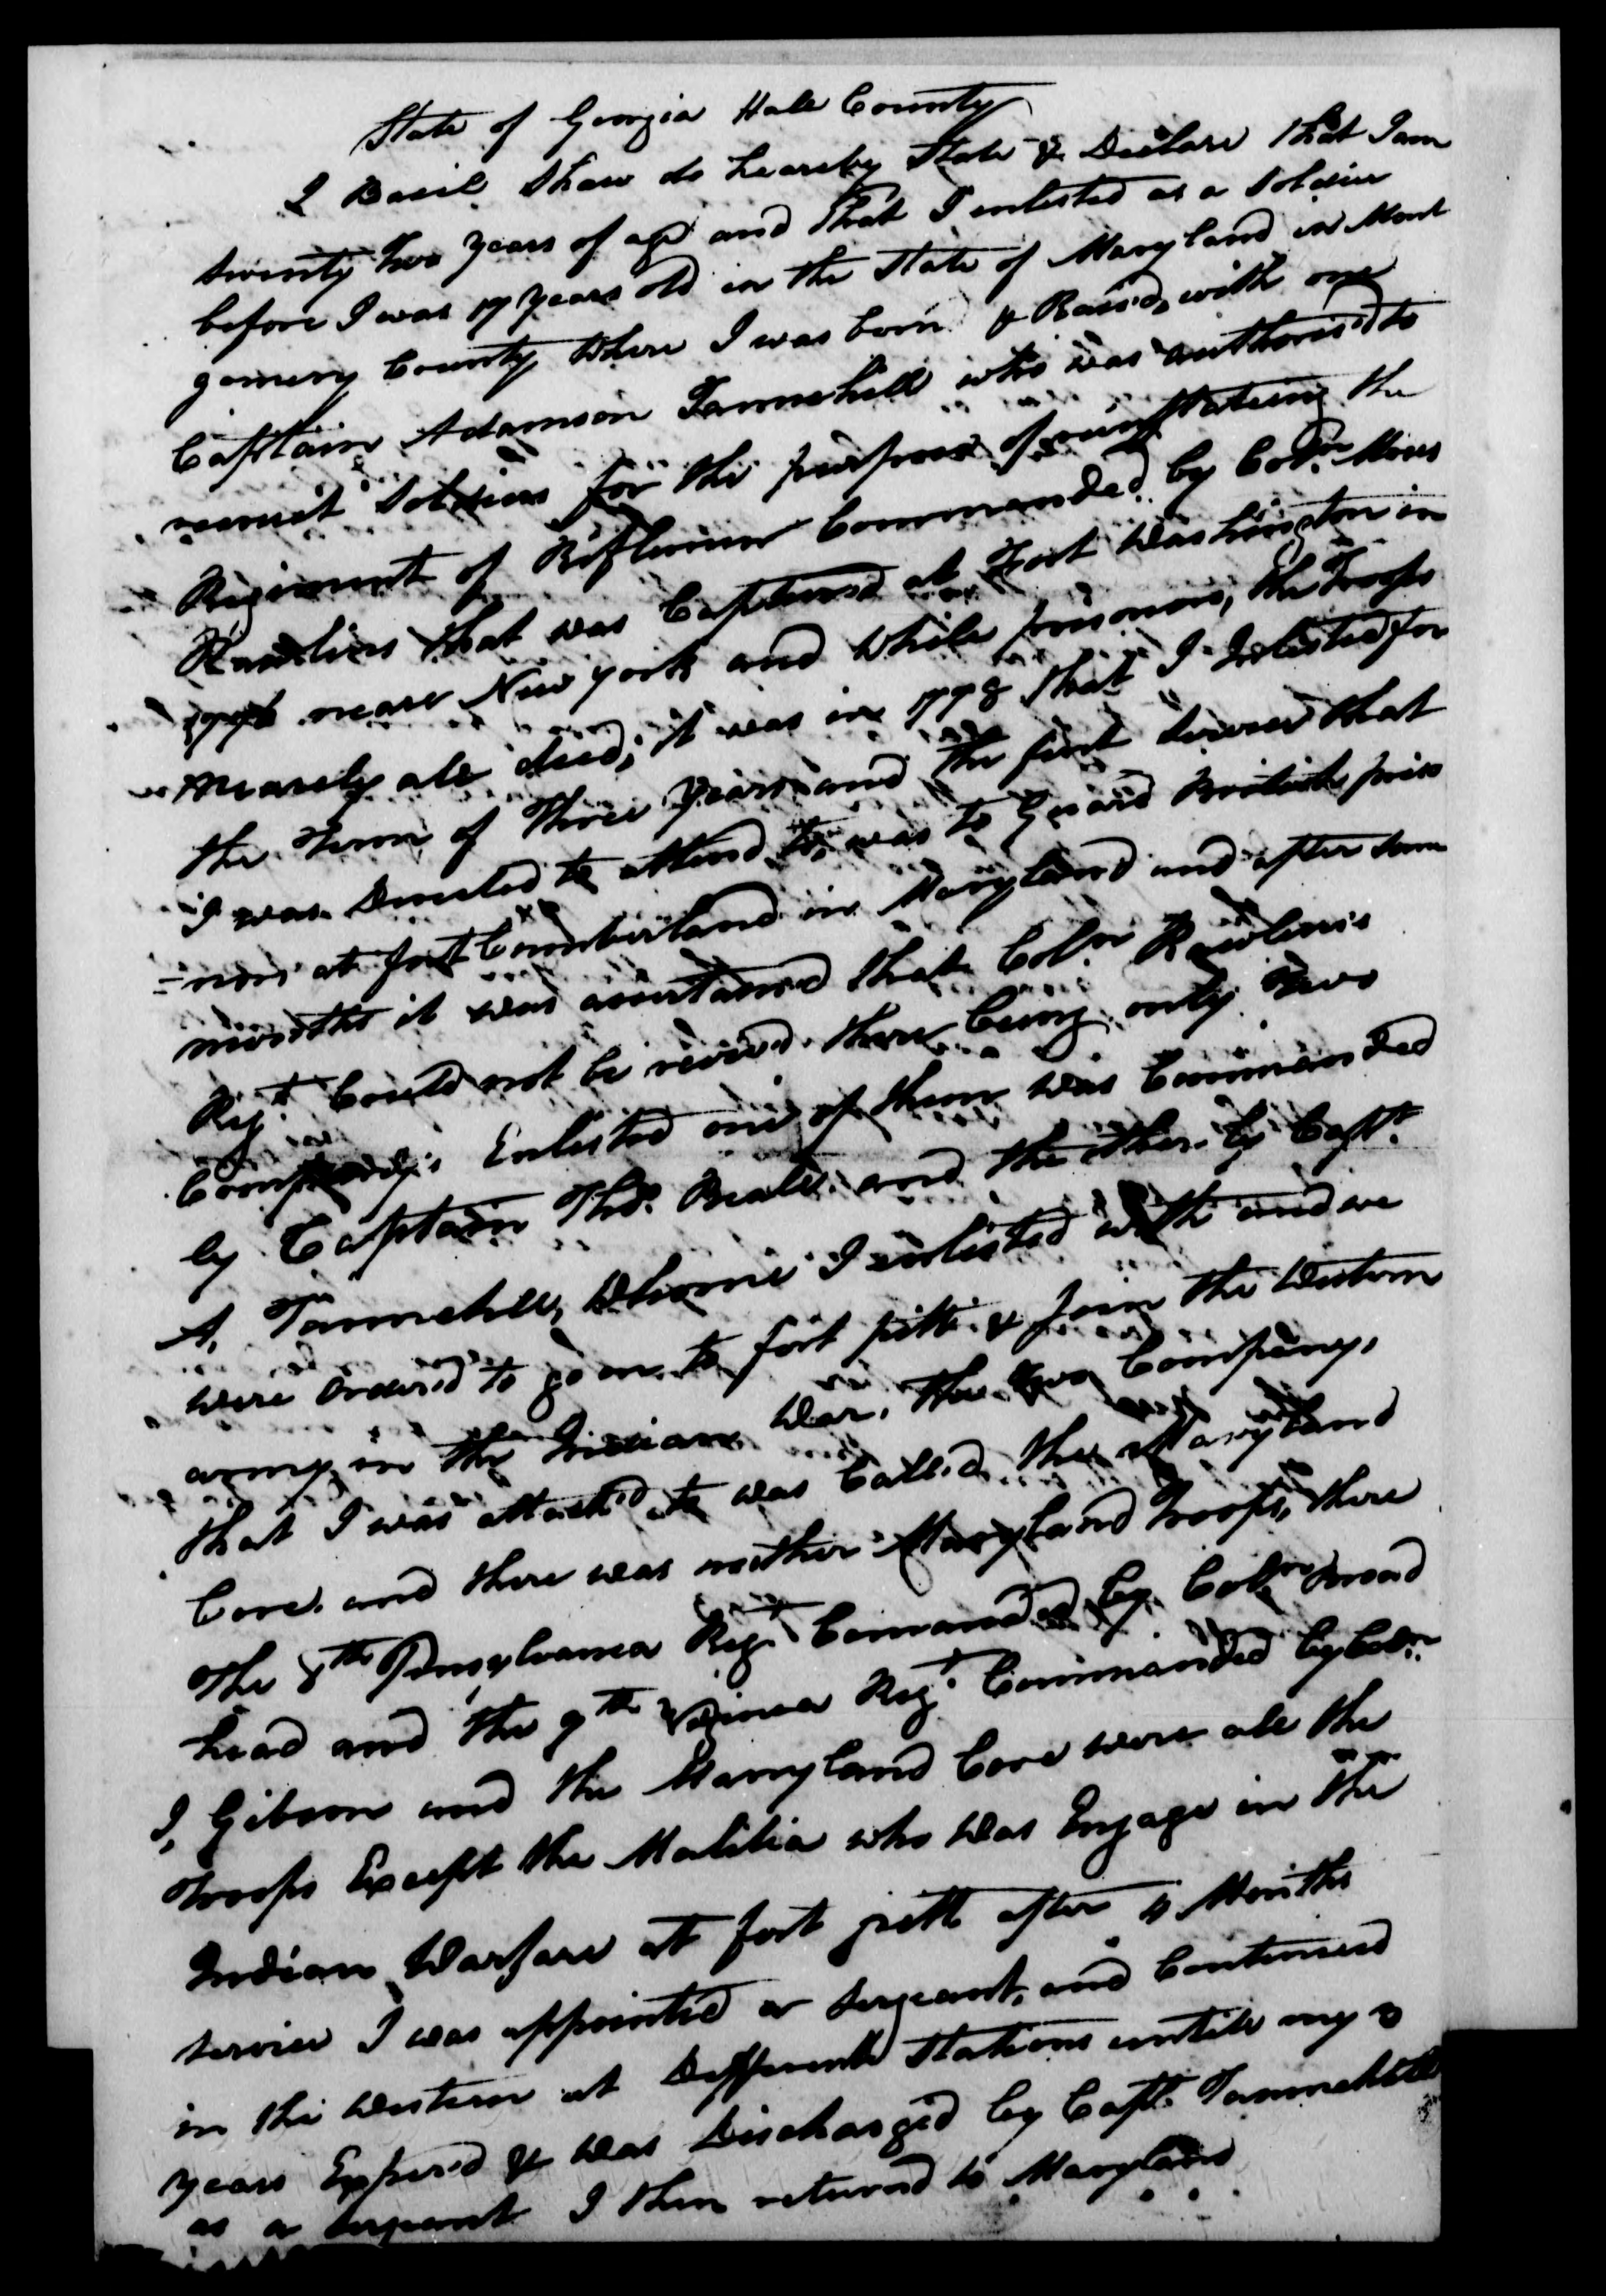State of Georgia Hall County
I Basil Shaw do hereby state & declare that I am seventy two years of age and that I enlisted as a soldier before I was 17 years old in the State of Maryland in Montgomery County where I was born & raised with one
Captain Adamson Tannehill who was authorized to recruit soldiers for the purpose of supporting the regiment of riflemen commanded by Col. Moses Rawlins that was captured at Fort Washington in
1776 near New York and while prisoners, the troops nearly all died; it was in 1778 that I enlisted for the term of three years and the first services that I was directed to attend to was to guard British prisoners at Fort Cumberland in Maryland and after seven
months it was ascertained that Col. Rawlins'
regt. could not be rescued, there being only two
companies enlisted. One of them was commanded by Captain Tho's Beall and the other by Capt. A. Tannehill whom I enlisted with and we were ordered to go on to Fort Pitt and join the Boston army in the Indian War. The said company, that I was attached to was called the Maryland Corps and there was no other Maryland troops there. The 8th Pennsylvania Regt. commanded by Col. Brodhead and the 9th Virginia Regt. commanded by Col. J. Gibson and the Maryland Corps were all the troops except the militia who was engaged in the Indian warfare at Fort Pitt. After 4 months service I was appointed a Sergeant, and continued in this [illegible] at different stations until my 3 years expired and was discharged by Capt. Tannehill as a Sergeant. I then returned to Maryland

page: 6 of 32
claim: survivor's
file: S. 16,526, for Basil Shaw, Maryland